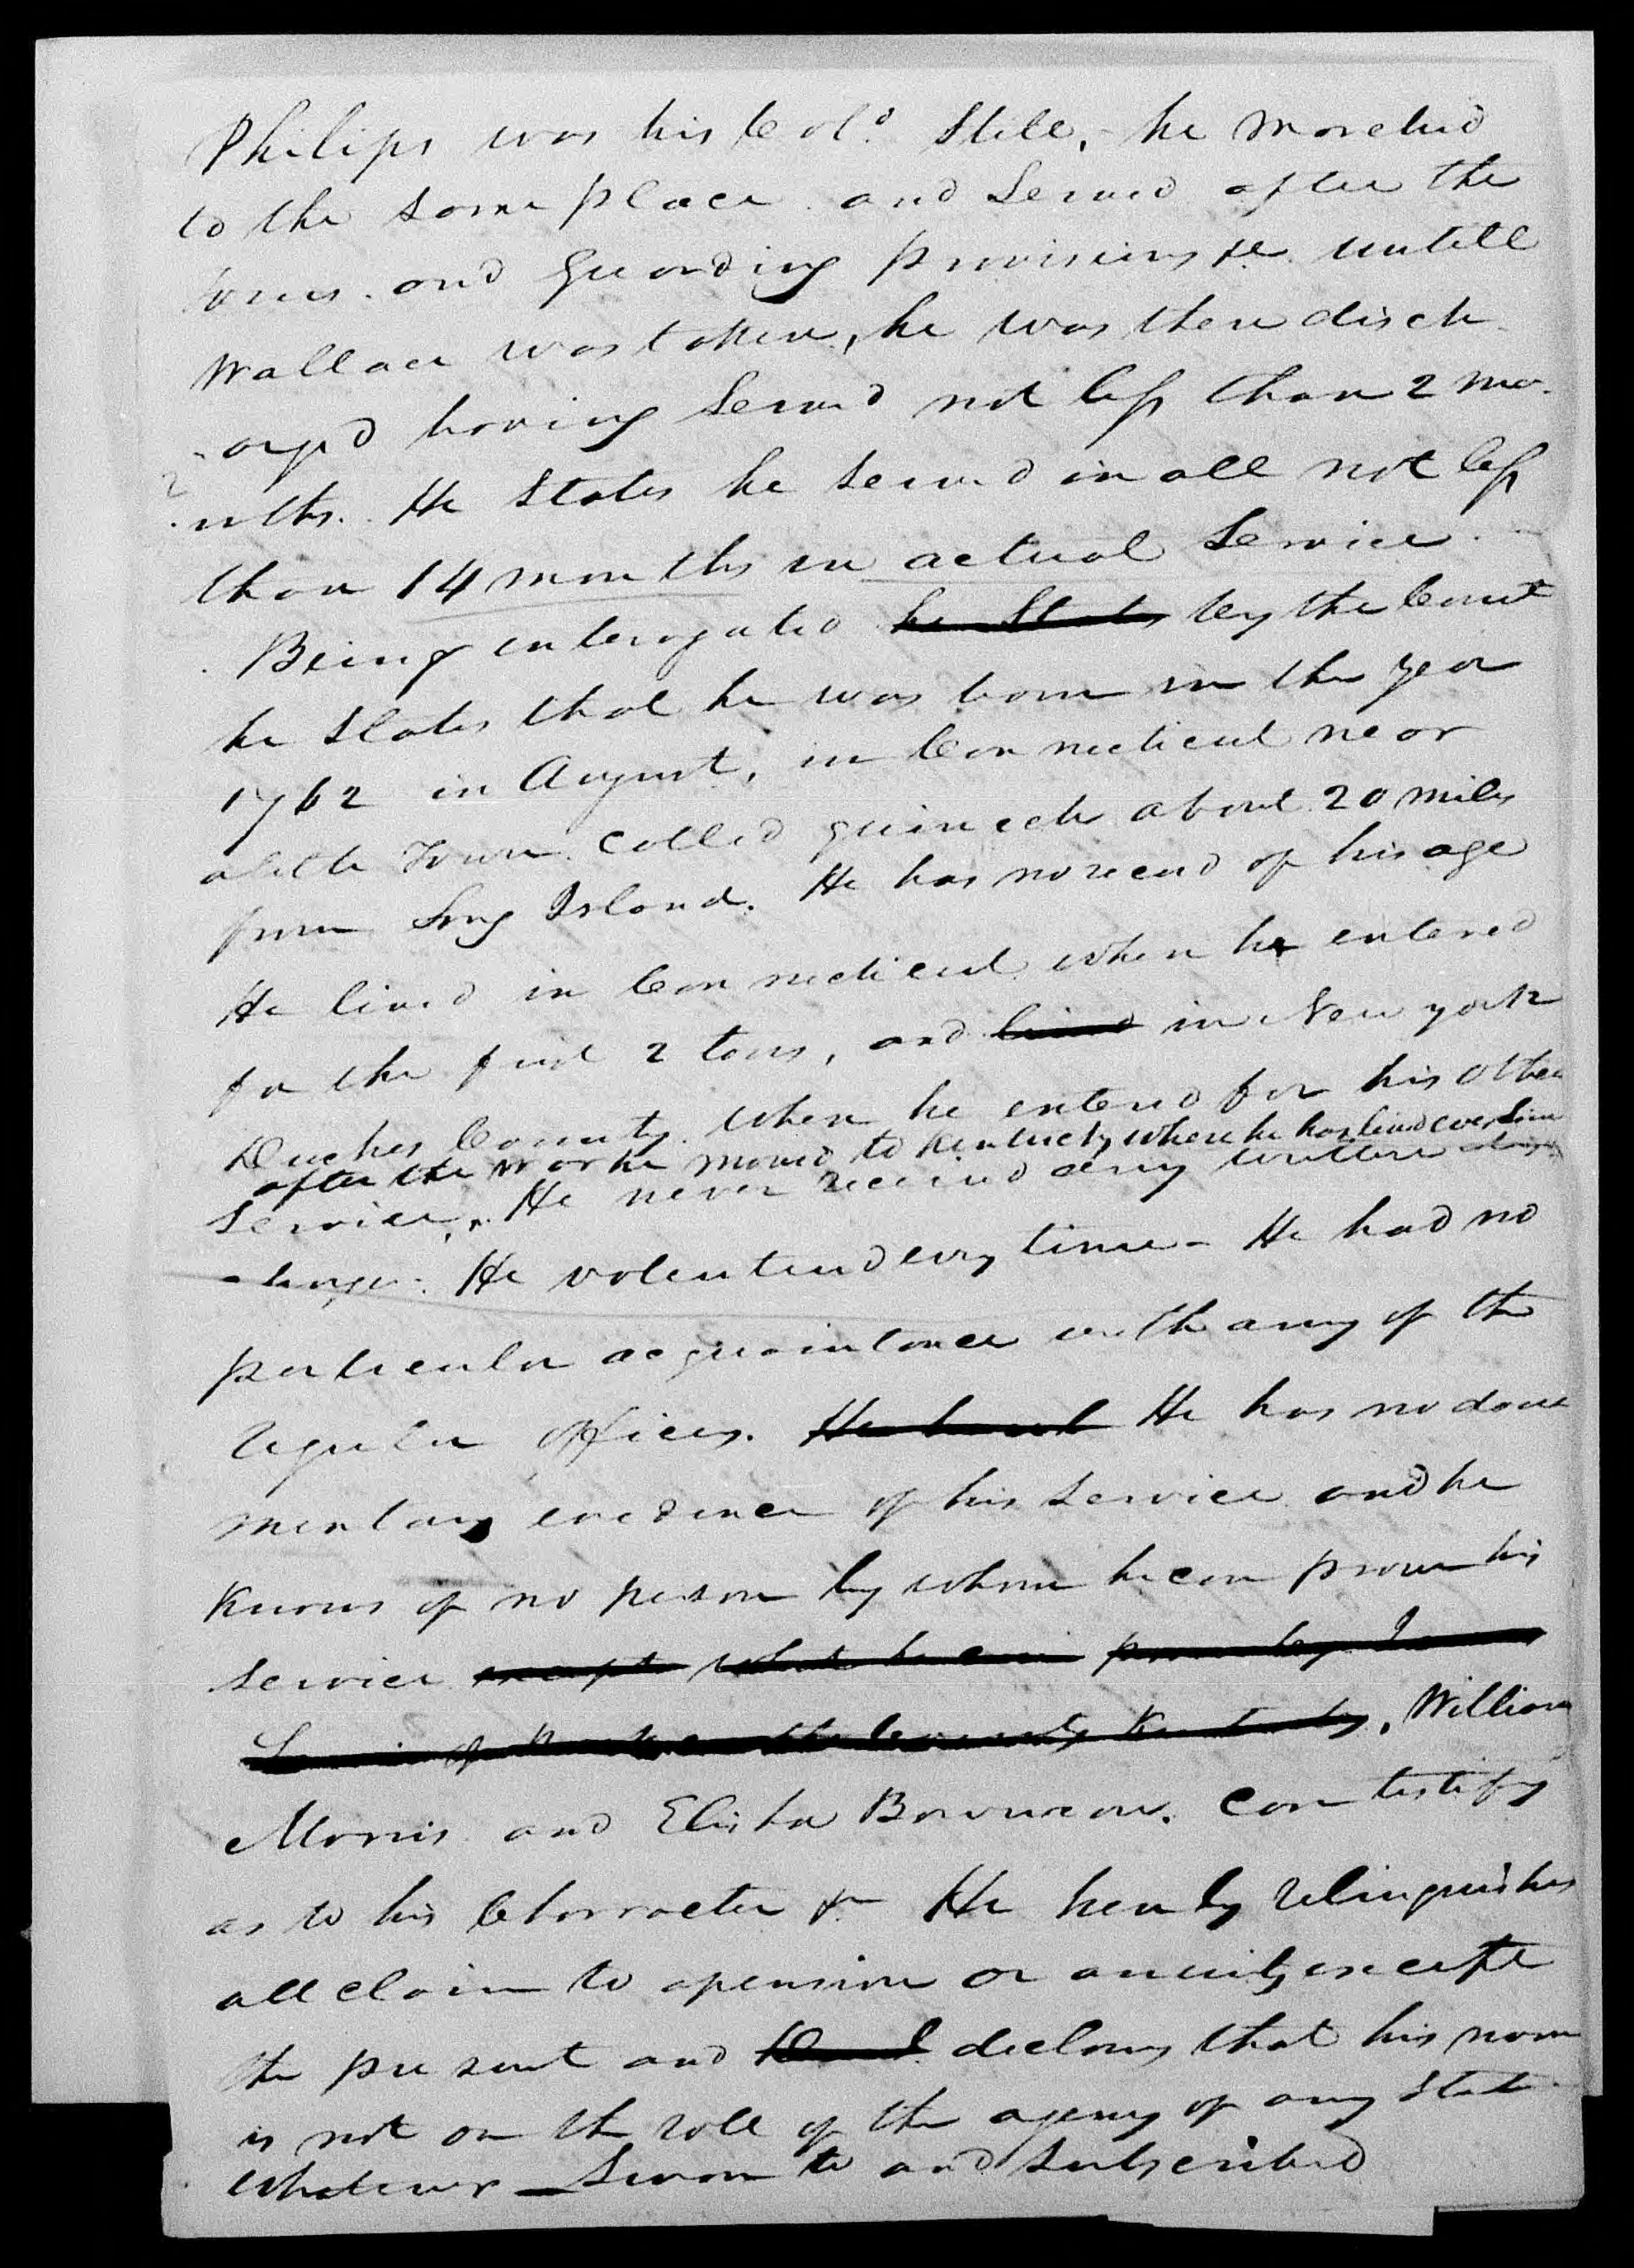Philips was his Colo still, he marched to the same place and served after the tours and guarding provisions &c untill Wallace was taken, he was then discharged having served not less than 2 months. He states he served in all not less than 14 months in actual service. Being interogated by the Court he states that he was born in the year 1762 in August, in Connecticut near a little town called (illegible) about 20 miles from Long Island. He has no record of his age. He lived in Connecticut when he entered for the first 2 tours, and in New York Duches County when he entered for his other service. After the war he moved to Kentucky where he has lived ever since. He never received any written discharge. He volunteered every time. He had no particular acquaintance with any of the regular offices. He has no documentary evidence of his service and he knows of no person by whom he can prove his service. William Morris and Elisha Bowman can testify as to his character & he hereby relinquishes all claim to a pension or annuity except the present and declares that his name is not on the roll of the agency of any state whatever. Sworn to and subscribed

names: Elisha Bowman; [BLANK] Stile; [BLANK] Philips; Morris Bowman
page: 5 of 12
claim: survivor's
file: S. 31207, for Messenger Lewis, Connecticut